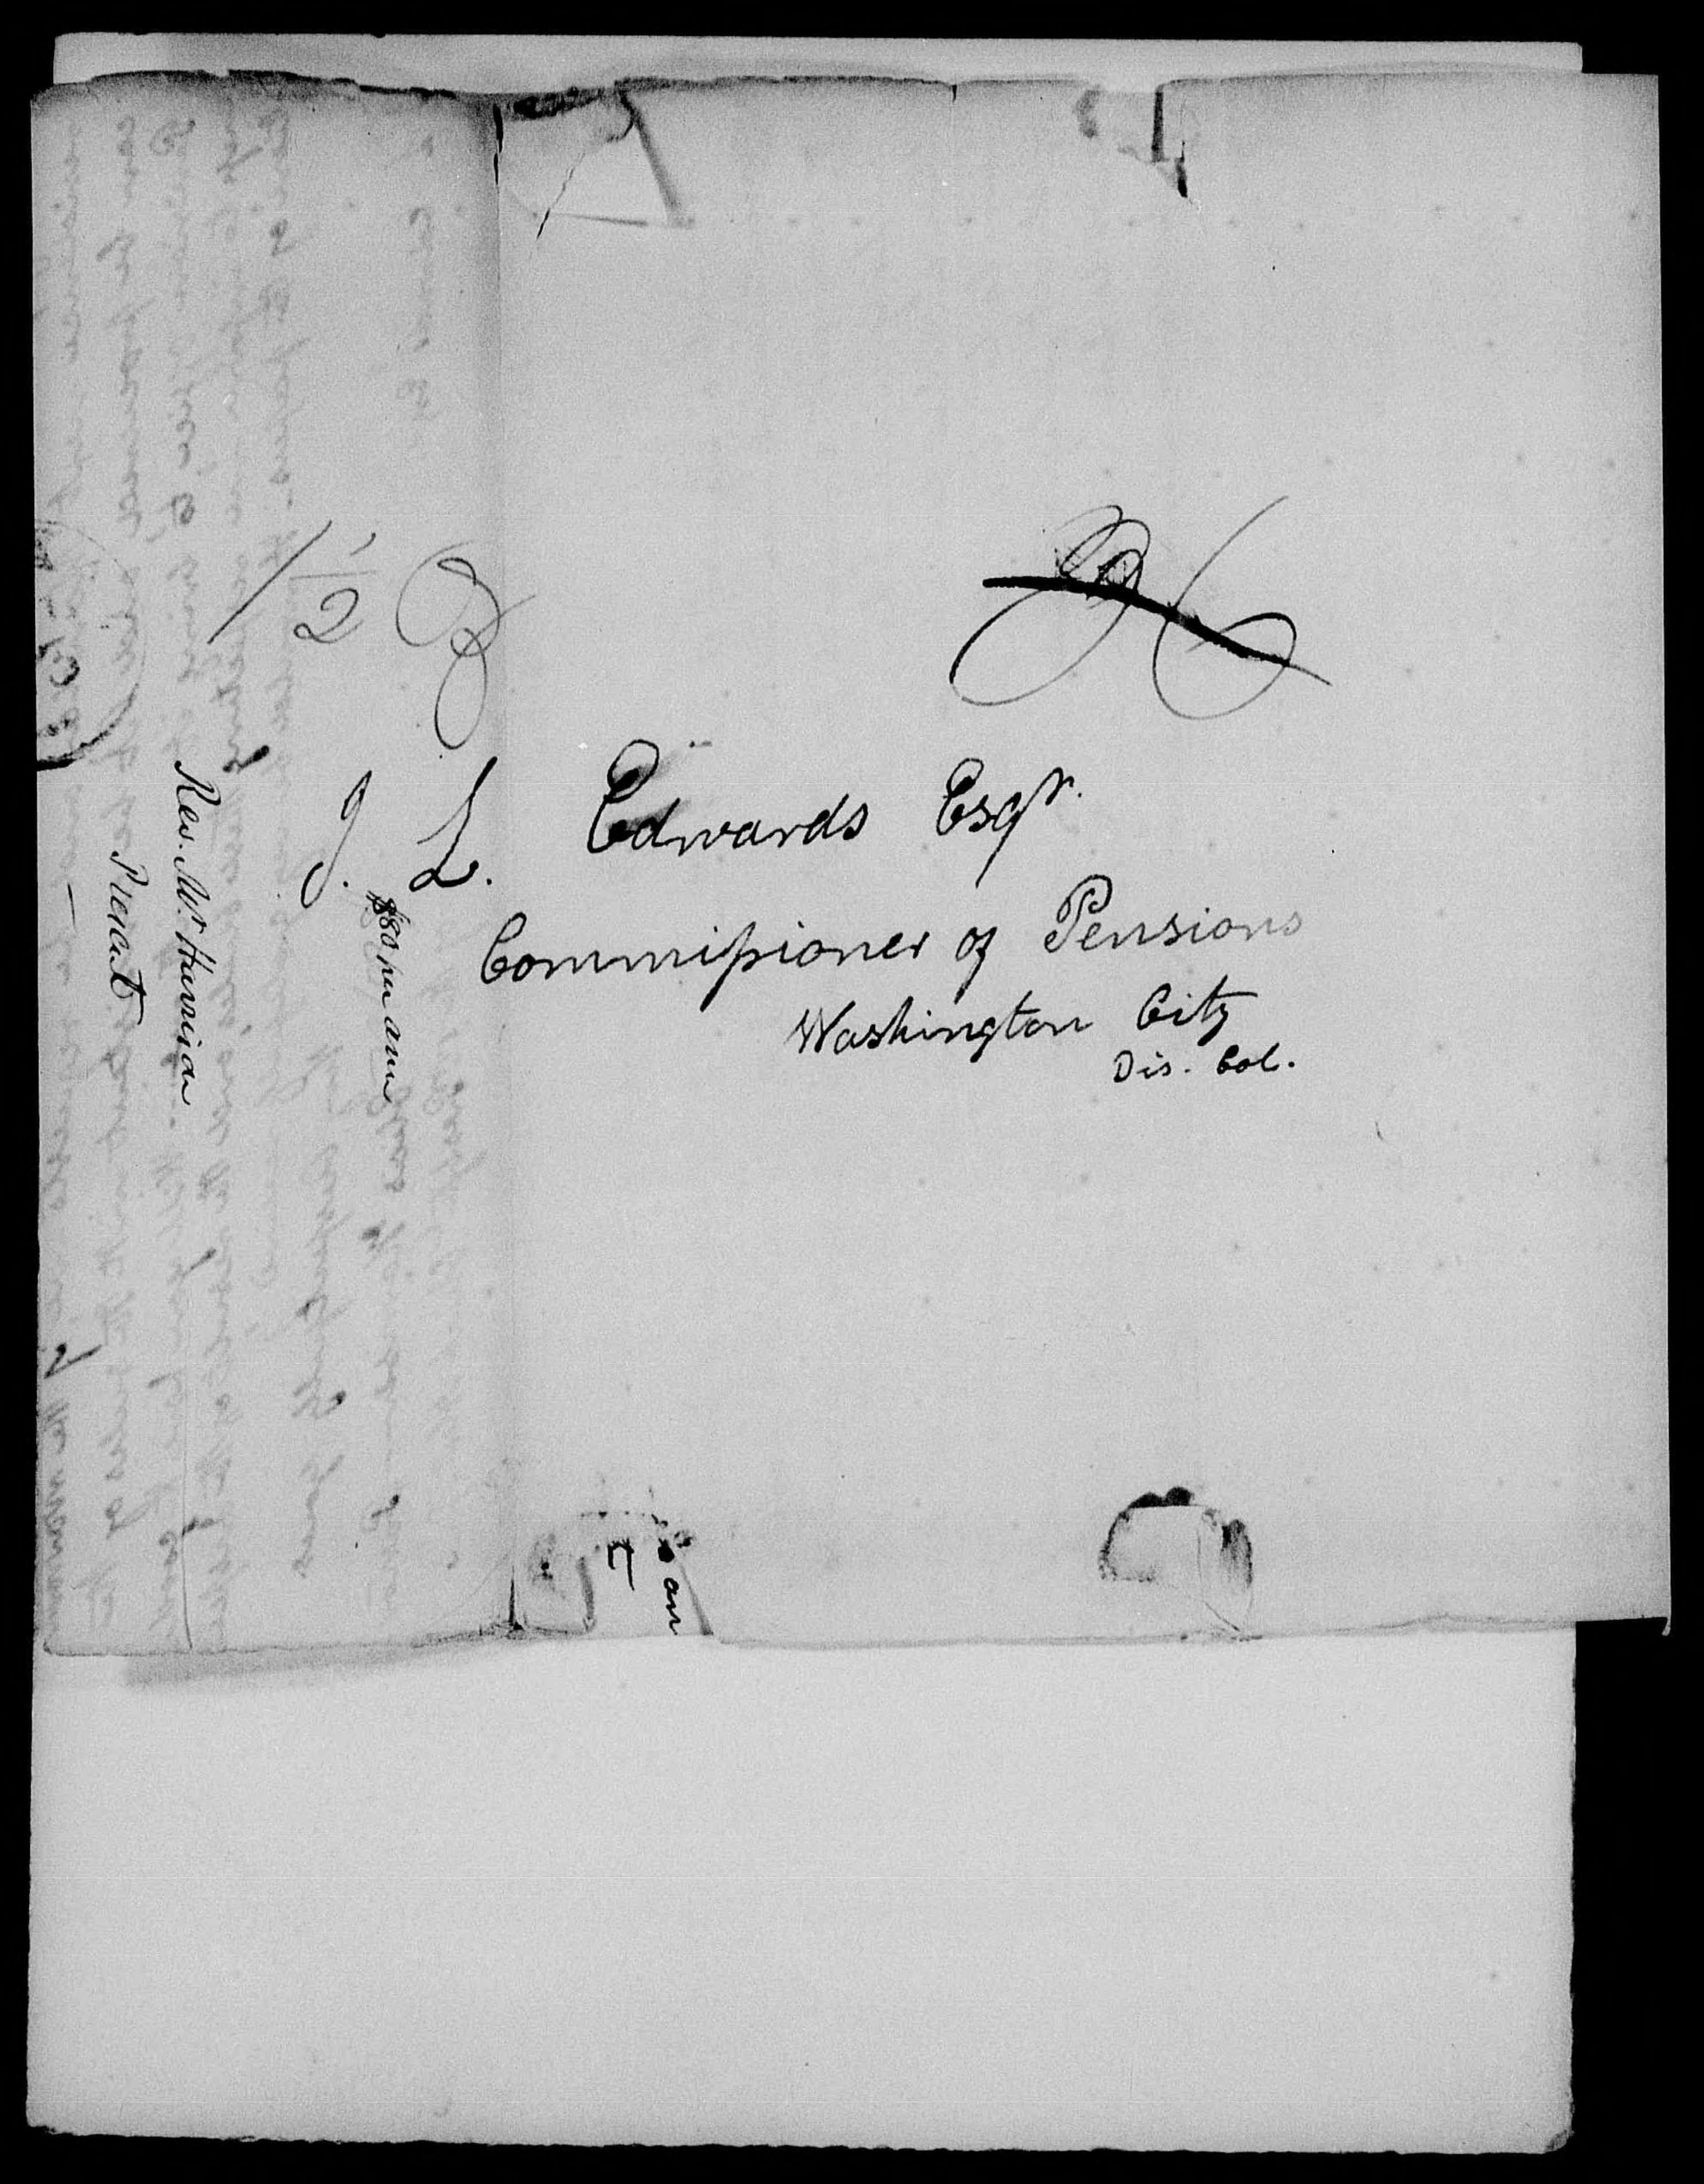$80 per ann
Res W Harrison
Present
J.L. Edwards Esqr
Commissioner of Pensions
Washington City
Dis. Col.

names: Harrison, J L Edwards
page: 8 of 15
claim: survivor's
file: S. 883, Thomas Harrison, New Jersey